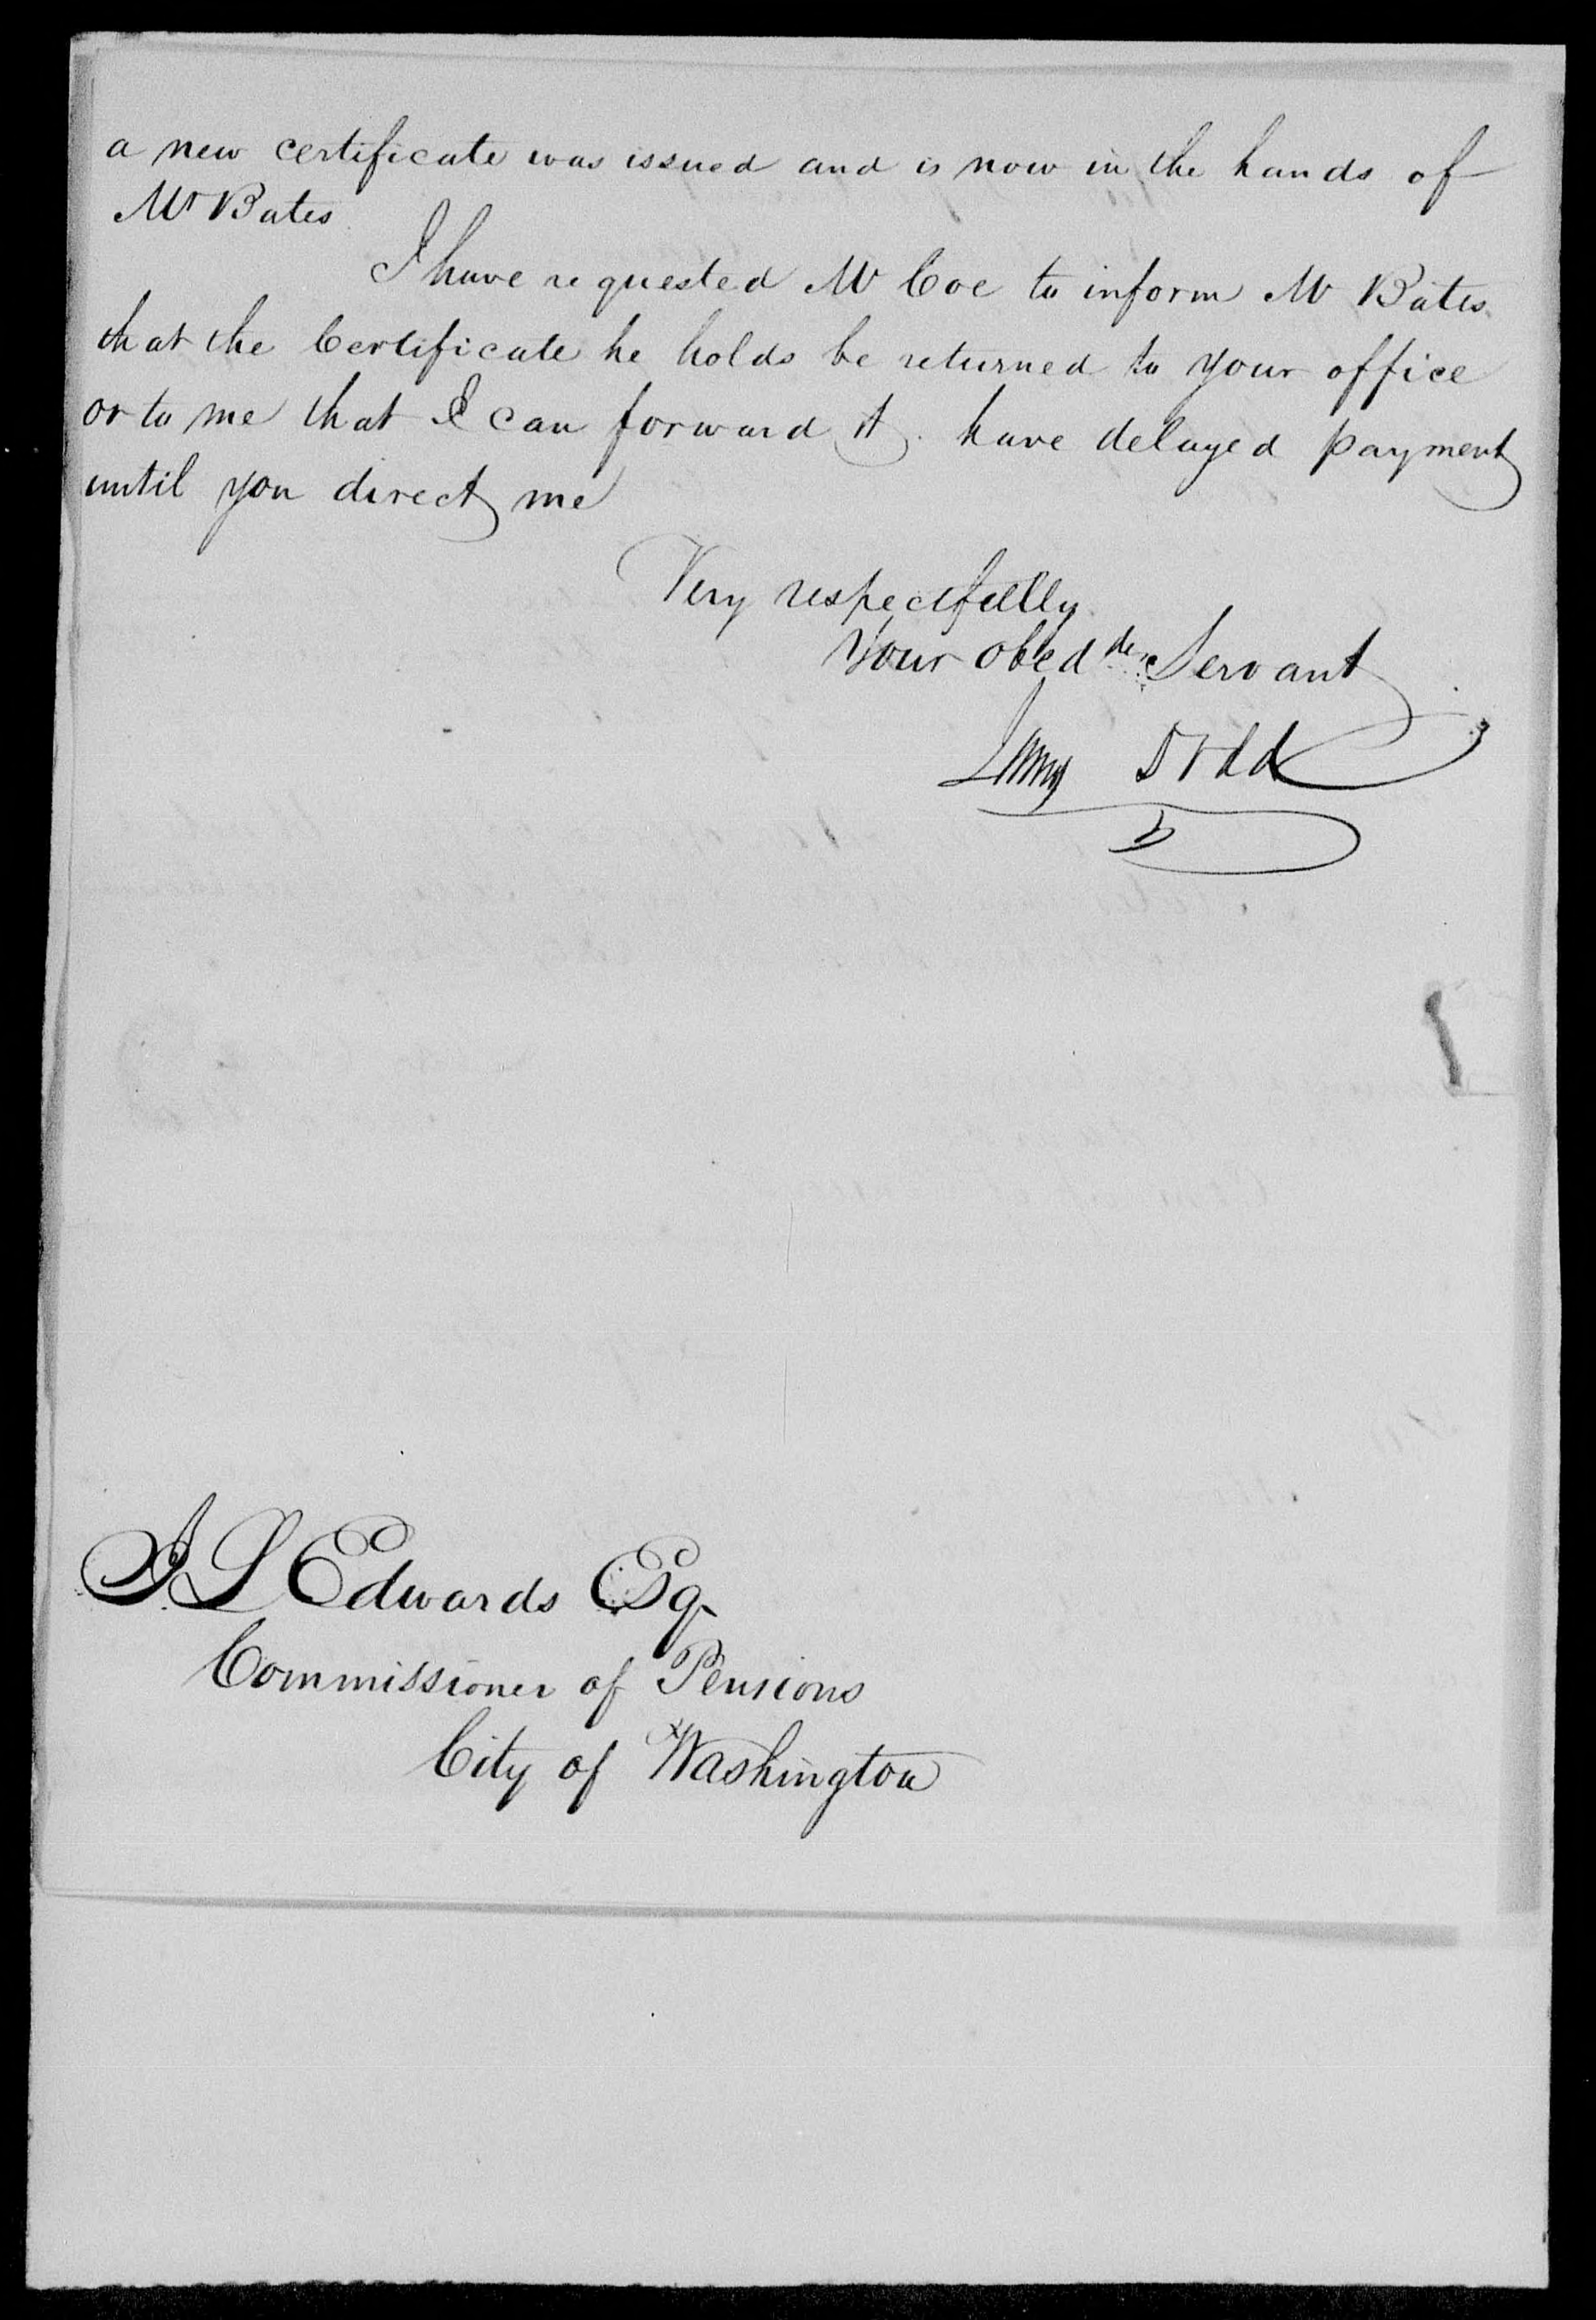a new certificate was issued and is now in the hands of Mr. Bates.
I have requested M Coe to inform Mr Bates.  that the certificate he holds be returned to your office or too me that he can forward it. have delayed payment until you direct me.
Very respectfully, 
Your obedient Servant
James Dodd

J L Edwards Esq
Commissioner of Pensions
City of Washington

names: Bates, Coe, Bates, James Dodd, J L Edwards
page: 32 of 76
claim: widow's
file: W. 5,250, Timothy Coe, Conn.